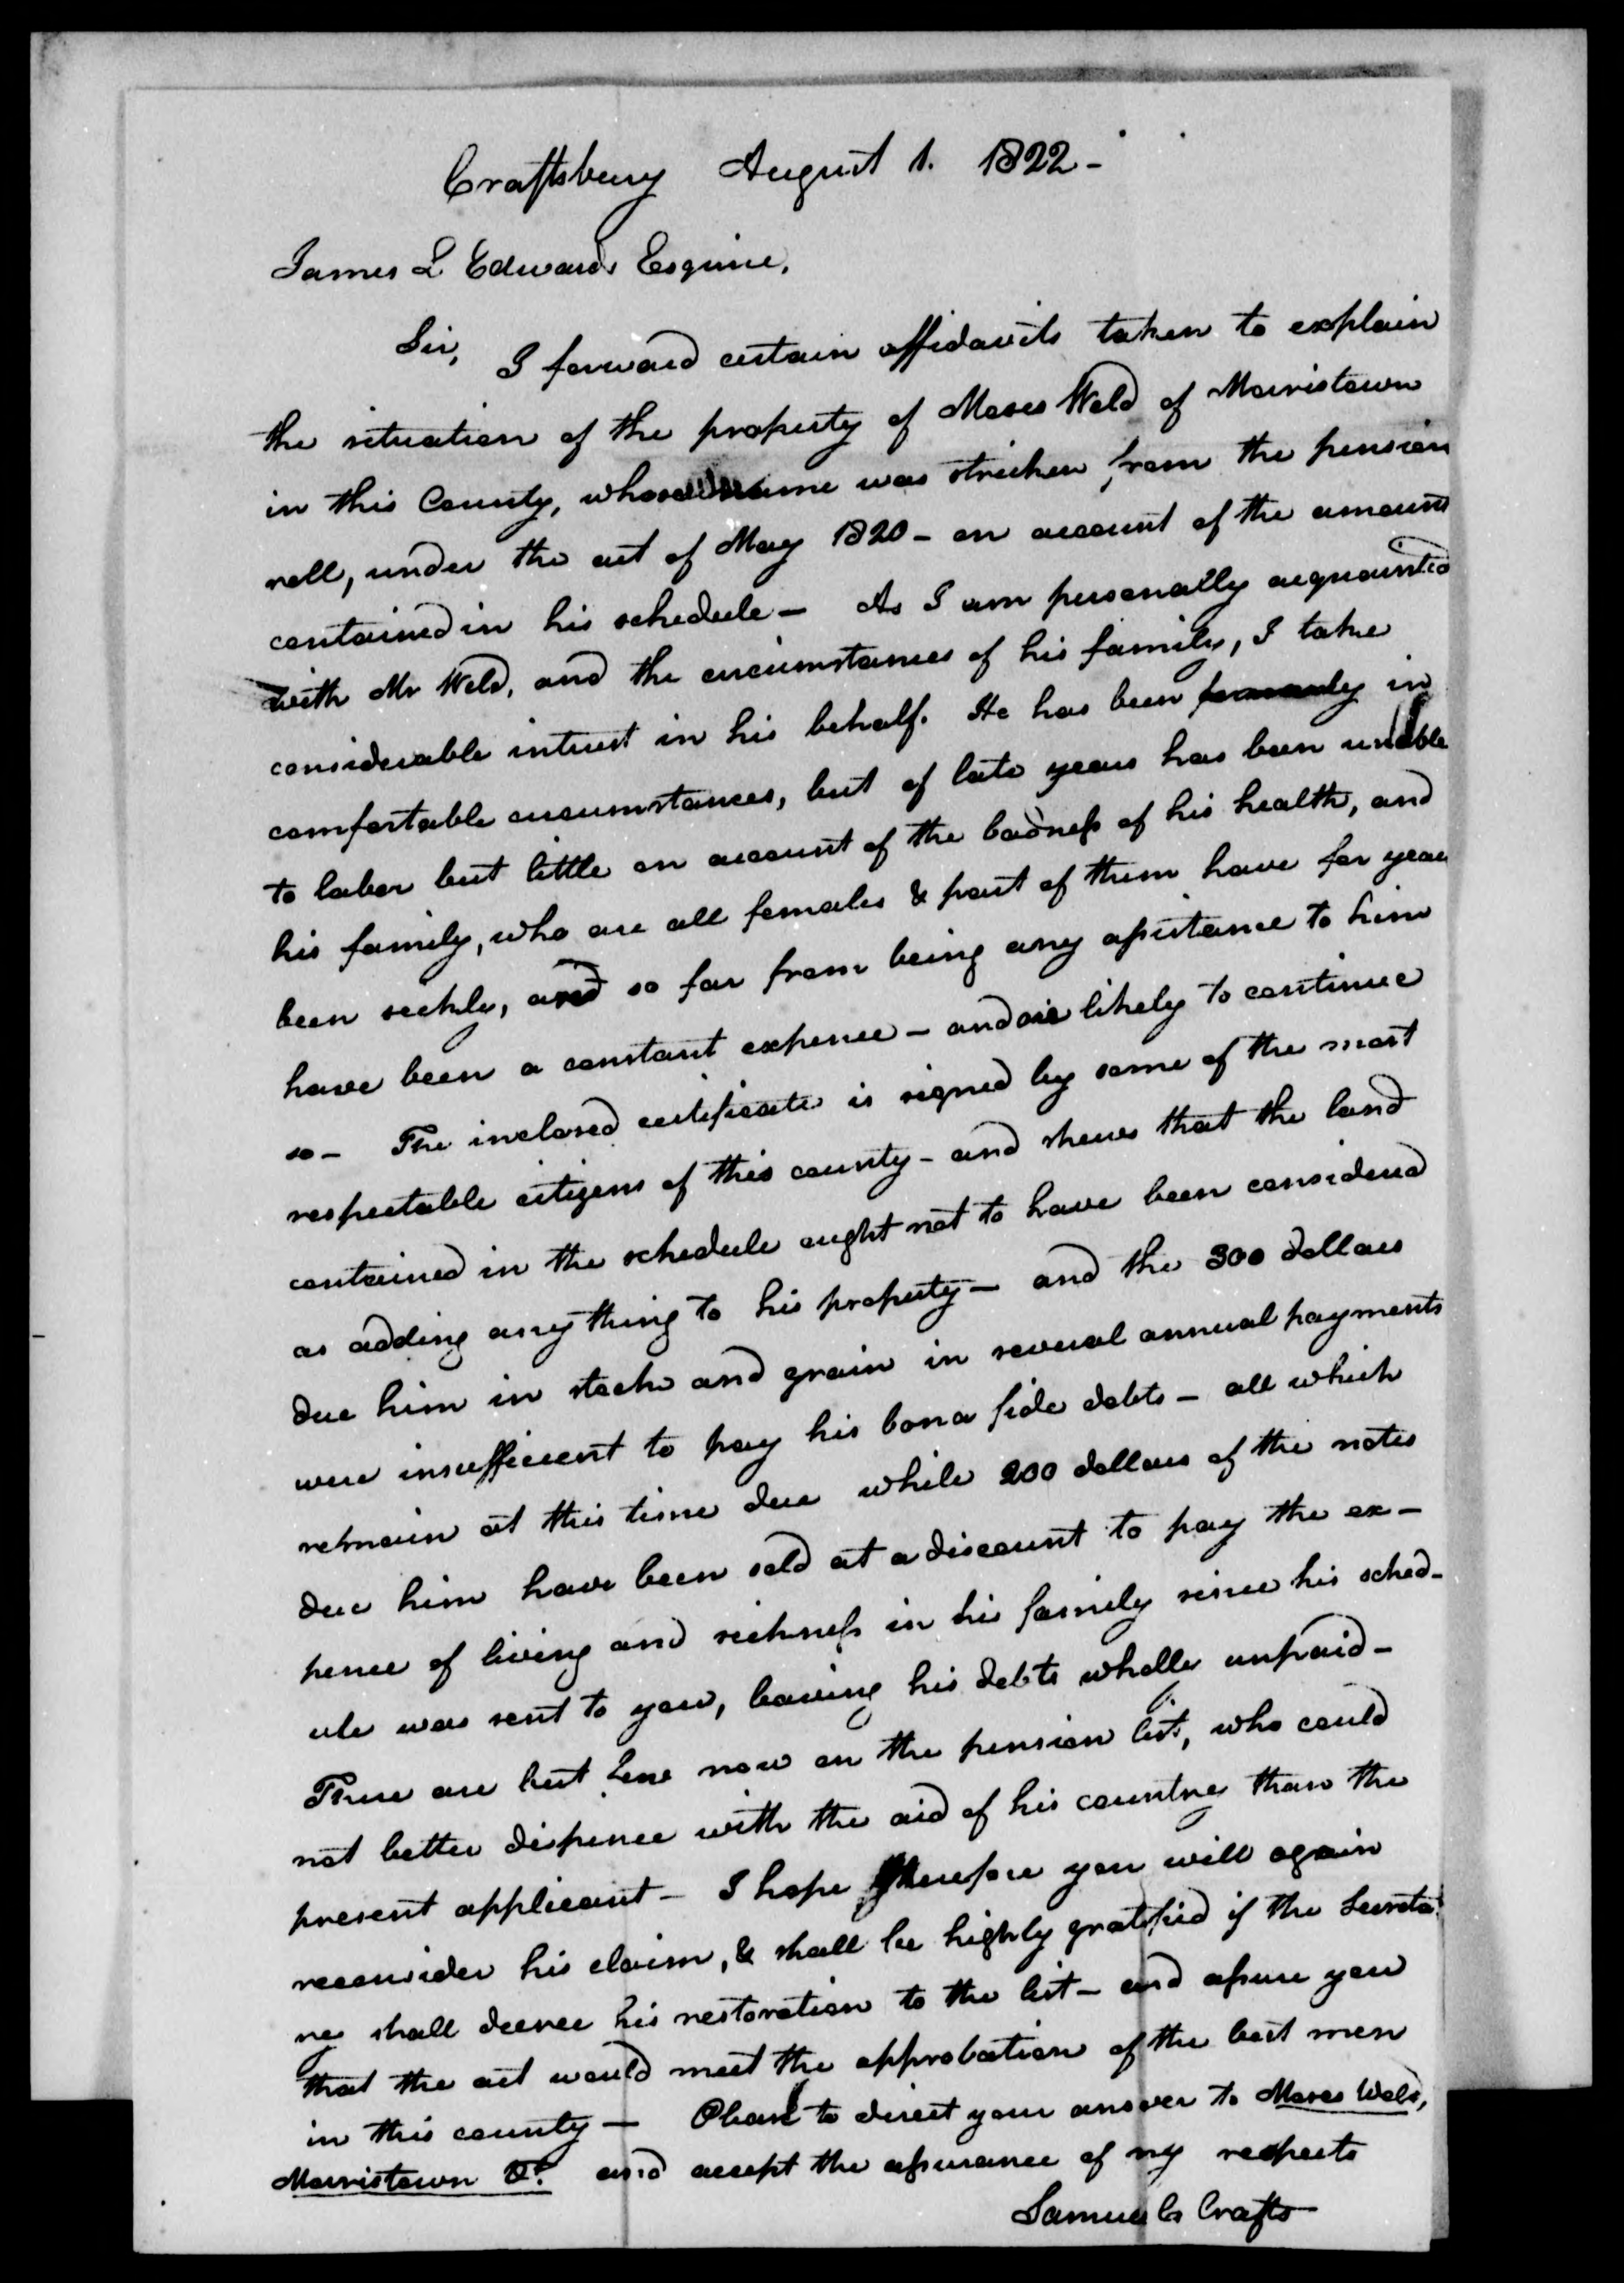Craftsbury
August 1. 1822-
James L Edwards Esquire,
Sir,
I forward certain affidavit taken to explain the situation of the property of Moses Weld of Morristown in this County, whose name was stricken from the pension roll, under the act of May 1820- on account of the amount[?] contained in his schedule. As I am personally acquainted with Mr Weld, and the circumstances of his family, I take considerable interest in his behalf. He has been [personally?] in comfortable circumstances, but of late years has been unable to labor but little on account of the badness[?] of his health, and
his family, who are all females & part of them have for years been sickly, and so far from being any assistance to him
have been a constant expense-- and are likely to continue so.  The inclosed certificate is signed by some of the most respectable citizens of this county, and shew that the land
contained in the schedule ought not to have been considered as adding any thing to his property-- and the 300 dollars due him in tack and grain in several annual payments were insufficient to pay his bona fide debts-- all which remain at this time due while 200 dollars of the notes due him have been sold at a discount to pay the expense of living and sickness in his family since his schedule was sent to you, leaving his debts wholly unpaid-
There are but few now on the pension list, who could not better dispense with the aid of his country than the present applicant - I hope therefore you will again reconsider his claim, & shall be highly gratified if the Secretary shall decree his restoration to the list-- and assure you that the act would meet the approbation of the best men in this county. Plan to direct your answer to Moses Weld, Morristown,Vt.  and accept the assurance of my respects
Samuel C Crafts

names: Moses Weld, Samuel C Crafts, James L Edwards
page: 47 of 87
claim: widow's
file: W. 25,966, Moses Weld, Mass.